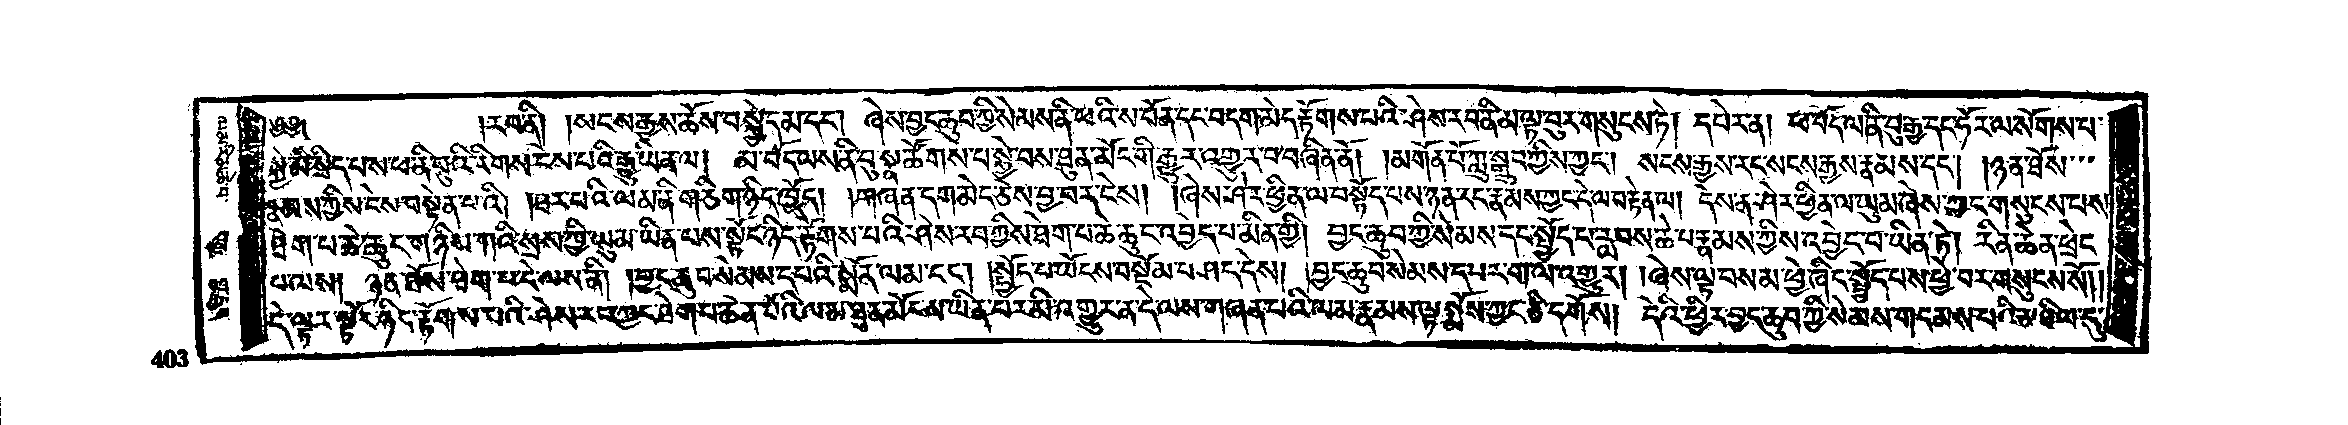༄༅། །རབ་ནི། །སངས་རྒྱས་ཆོས་བསྐྱེད་མ་དང་། ཞེས་བྱང་ཆུབ་ཀྱི་སེམས་ནི་ཕའི་ས་བོན་དང་བདག་མེད་རྟོགས་པའི་ཤེས་རབ་ནི་མ་ལྟ་བུར་གསུངས་ཏེ། དཔེར་ན། ཕ་བོད་ལ་ནི་བུ་རྒྱ་དང་ཧོར་ལ་སོགས་པ་
སྐྱེ་མི་སྲིད་པས་ཕ་ནི་བུའི་རིགས་ངེས་པའི་རྒྱུ་ཡིན་ལ། མ་བོད་ལས་ནི་བུ་སྣ་ཚོགས་པ་སྐྱེ་བས་ཐུན་མོང་གི་རྒྱུར་འགྱུར་བ་བཞིན་ནོ། །མགོན་པོ་ཀླུ་སྒྲུབ་ཀྱིས་ཀྱང་། སངས་རྒྱས་རང་སངས་རྒྱས་རྣམས་དང་། །ཉན་ཐོས་
རྣམས་ཀྱིས་ངེས་བསྟེན་པའི། །ཐར་པའི་ལམ་ནི་གཅིག་ཉིད་ཁྱོད། །གཞན་དག་མེད་ཅེས་བྱ་བར་ངེས། །ཞེས་ཤེར་ཕྱིན་ལ་བསྟོད་པས་ཉན་རང་རྣམས་ཀྱང་དེ་ལ་བརྟེན་ལ། དེས་ན་ཤེར་ཕྱིན་ལ་ཡུམ་ཞེས་ཀྱང་གསུངས་པས་
ཐེག་པ་ཆེ་ཆུང་གཉིས་ཀའི་སྲས་ཀྱི་ཡུམ་ཡིན་པས་སྟོང་ཉིད་རྟོགས་པའི་ཤེས་རབ་ཀྱིས་ཐེག་པ་ཆེ་ཆུང་འབྱེད་པ་མིན་གྱི། བྱང་ཆུབ་ཀྱི་སེམས་དང་སྤྱོད་པ་རླབས་ཆེ་བ་རྣམས་ཀྱིས་འབྱེད་པ་ཡིན་ཏེ། རིན་ཆེན་ཕྲེང་
བ་ལས། ཉན་ཐོས་ཐེག་པ་དེ་ལས་ནི། །བྱང་ཆུབ་སེམས་དཔའི་སྨོན་ལམ་དང་། །སྤྱོད་པ་ཡོངས་བསྔོ་མ་བཤད་དེས། །བྱང་ཆུབ་སེམས་དཔར་ག་ལ་འགྱུར། །ཞེས་ལྟ་བས་མ་ཕྱེ་ཞིང་སྤྱོད་པས་ཕྱེ་བར་གསུངས་སོ། །
དེ་ལྟར་སྟོང་ཉིད་རྟོགས་པའི་ཤེས་རབ་ཀྱང་ཐེག་པ་ཆེན་པོའི་ལམ་ཐུན་མོང་མ་ཡིན་པར་མི་འགྱུར་ན་དེ་ལས་གཞན་པའི་ལམ་རྣམས་ལྟ་སྨོས་ཀྱང་ཅི་དགོས། དེའི་ཕྱིར་བྱང་ཆུབ་ཀྱི་སེམས་གདམས་པའི་མཐིལ་དུ་